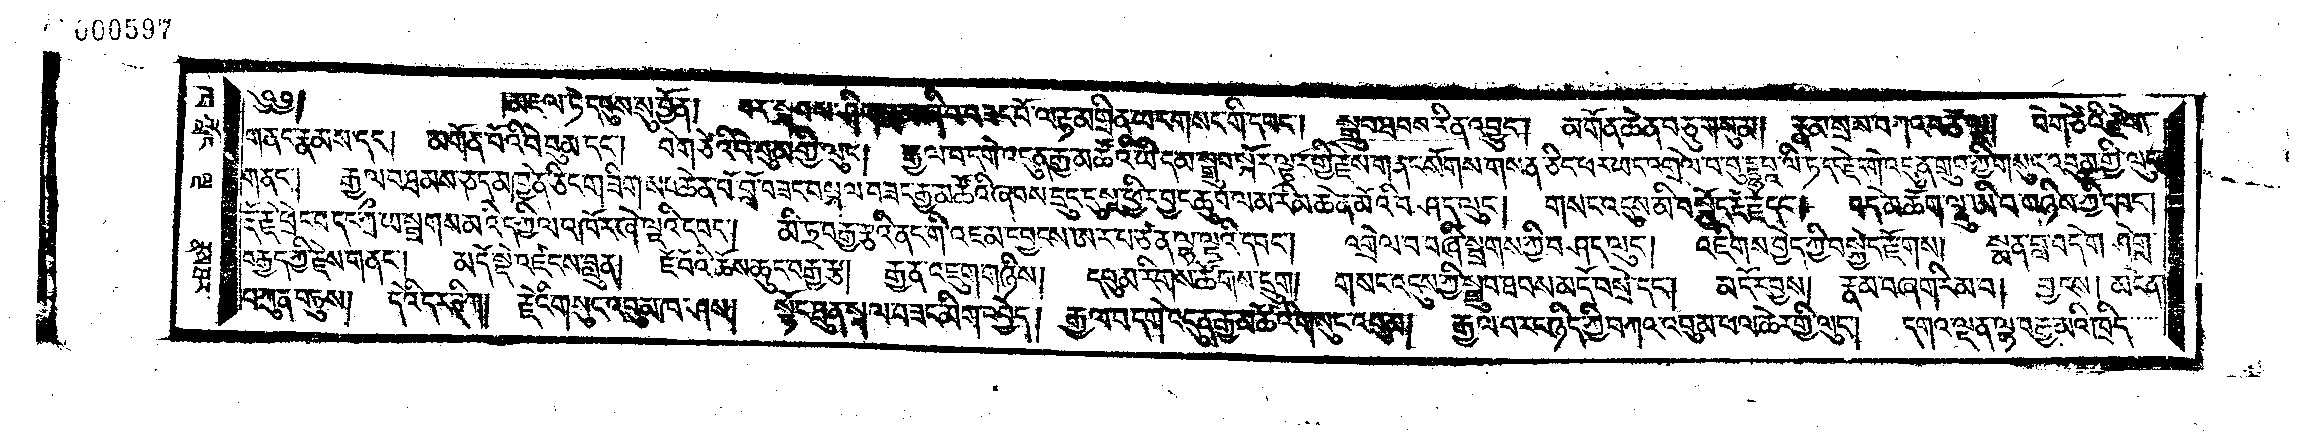༄༅། །མཇལ་ཏེ་དབུས་སུ་བྱོན། བར་སྐབས་ཤིག་བླ་མ་ཞི་བ་བཟང་པོ་ལ་རྟ་མགྲིན་ཡང་གསང་གི་དབང་། སྒྲུབ་ཐབས་རིན་འབྱུང་། མགོན་ཆེན་བཅུ་གསུམ། རྣམ་སྲས་བཀའ་བཅོ་ལྔ། བེག་ཙེའི་རྗེས་
གནང་རྣམས་དང་། མགོན་པོའི་བེ་བུམ་དང་། བེག་ཙེའི་བེ་བུམ་གྱི་ལུང་། རྒྱལ་བ་དགེ་འདུན་རྒྱ་མཚོའི་ཡི་དམ་སྒྲུབ་སྐོར་ལྟར་གྱི་རྗེས་གནང་སོགས་གསན་ཅིང་ཕར་ཡང་འགྲེལ་པ་བུདྡྷ་པཱ་ལི་ཏ་དང་རྗེ་དགེ་འདུན་གྲུབ་ཀྱི་གསུང་འབུམ་གྱི་ལུང་
གནང་། རྒྱལ་བ་ཐམས་ཅད་མཁྱེན་ཅིང་གཟིགས་པ་ཆེན་པོ་བློ་བཟང་བསྐལ་བཟང་རྒྱ་མཚོའི་ཞབས་དྲུང་དུ་སྔ་ཕྱིར་བྱང་ཆུབ་ལམ་རིམ་ཆེན་མོའི་བཤད་ལུང་། གསང་འདུས་མི་བསྐྱོད་རྡོ་རྗེ་དང་། བདེ་མཆོག་ལཱུ་ཨི་བ་གཉིས་ཀྱི་དབང་།
རྡོ་རྗེ་ཕྲེང་པ་དང་ཀྲྀ་ཡ་སྦྲགས་མའི་དཀྱིལ་འཁོར་ཞེ་ལྔའི་དབང་། མི་ཏྲ་བརྒྱ་རྩའི་ནང་གི་འཇམ་དབྱངས་ཨ་ར་པ་ཙ་ན་ལྷ་ལྔའི་དབང་། འགྲེལ་བ་བཞི་སྦྲགས་ཀྱི་བཤད་ལུང་། འཇིགས་བྱེད་ཀྱི་བསྐྱེད་རྫོགས། སྨན་བླ་བདེ་གཤེགས་
བརྒྱད་ཀྱི་རྗེས་གནང་། མདོ་སྡེ་འཛངས་བླུན། ཇོ་བོའི་ཆོས་ཆུང་བརྒྱ་རྩ། རྒྱན་འཇུག་གཉིས། དབུ་མ་རིགས་ཚོགས་དྲུག། གསང་འདུས་ཀྱི་སྒྲུབ་ཐབས་མདོ་བསྲེ་དང་། མདོར་བྱས། རྣམ་བཞག་རིམ་པ། བྱངས། མངོན་
པ་ཀུན་བཏུས། དེའི་དར་ཊིཀ། རྗེའི་གསུང་འབུམ་ཁ་ཤས། སྟོང་ཐུན་སྐལ་བཟང་མིག་འབྱེད། རྒྱལ་བ་དགེ་འདུན་རྒྱ་མཚོའི་གསུང་འབུམ། རྒྱལ་བ་རང་ཉིད་ཀྱི་བཀའ་འབུམ་ཕལ་ཆེར་གྱི་ལུང་། དཀའ་ལྡན་ལྷ་བརྒྱ་མའི་ཁྲིད་